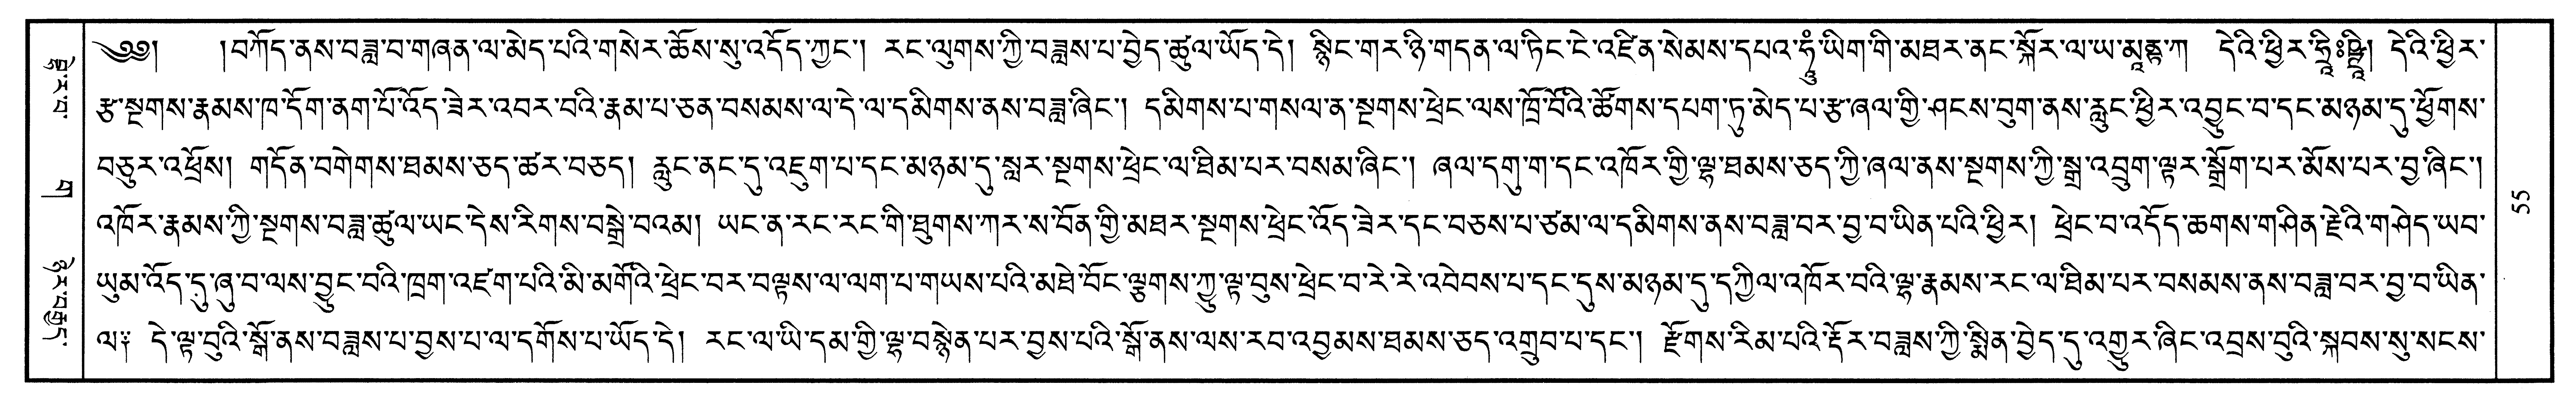༄༅། །བཀོད་ནས་བཟླ་བ་གཞན་ལ་མེད་པའི་གསེར་ཆོས་སུ་འདོད་ཀྱང་། རང་ལུགས་ཀྱི་བཟླས་པ་བྱེད་ཚུལ་ཡོད་དེ། སྙིང་གར་ཉི་གདན་ལ་ཏིང་ངེ་འཛིན་སེམས་དཔའ་ཧཱུཾ་ཡིག་གི་མཐར་ནང་སྐོར་ལ་ཡ་མཱནྟ་ཀ །དེའི་ཕྱིར་ཧྲཱིཿ ཥྚྲཱི། དེའི་ཕྱིར་
རྩ་སྔགས་རྣམས་ཁ་དོག་ནག་པོ་འོད་ཟེར་འབར་བའི་རྣམ་པ་ཅན་བསམས་ལ་དེ་ལ་དམིགས་ནས་བཟླ་ཞིང་། དམིགས་པ་གསལ་ན་སྔགས་ཕྲེང་ལས་ཁྲོ་བོའི་ཚོགས་དཔག་ཏུ་མེད་པ་རྩ་ཞལ་གྱི་ཤངས་བུག་ནས་རླུང་ཕྱིར་འབྱུང་བ་དང་མཉམ་དུ་ཕྱོགས་
བཅུར་འཕྲོས། གདོན་བགེགས་ཐམས་ཅད་ཚར་བཅད། རླུང་ནང་དུ་འཇུག་པ་དང་མཉམ་དུ་སླར་སྔགས་ཕྲེང་ལ་ཐིམ་པར་བསམ་ཞིང་། ཞལ་དགུ་ག་དང་འཁོར་གྱི་ལྷ་ཐམས་ཅད་ཀྱི་ཞལ་ནས་སྔགས་ཀྱི་སྒྲ་འབྲུག་ལྟར་སྒྲོག་པར་མོས་པར་བྱ་ཞིང་།
འཁོར་རྣམས་ཀྱི་སྔགས་བཟླ་ཚུལ་ཡང་དེས་རིགས་བསྒྲེ་བའམ། ཡང་ན་རང་རང་གི་ཐུགས་ཀར་ས་བོན་གྱི་མཐར་སྔགས་ཕྲེང་འོད་ཟེར་དང་བཅས་པ་ཙམ་ལ་དམིགས་ནས་བཟླ་བར་བྱ་བ་ཡིན་པའི་ཕྱིར། ཕྲེང་བ་འདོད་ཆགས་གཤིན་རྗེའི་གཤེད་ཡབ་
ཡུམ་འོད་དུ་ཞུ་བ་ལས་བྱུང་བའི་ཁྲག་འཛག་པའི་མི་མགོའི་ཕྲེང་བར་བལྟས་ལ་ལག་པ་གཡས་པའི་མཐེ་བོང་ལྕགས་ཀྱུ་ལྟ་བུས་ཕྲེང་བ་རེ་རེ་འབེབས་པ་དང་དུས་མཉམ་དུ་དཀྱིལ་འཁོར་བའི་ལྷ་རྣམས་རང་ལ་ཐིམ་པར་བསམས་ནས་བཟླ་བར་བྱ་བ་ཡིན་
ལ༑ དེ་ལྟ་བུའི་སྒོ་ནས་བཟླས་པ་བྱས་པ་ལ་དགོས་པ་ཡོད་དེ། རང་ལ་ཡི་དམ་གྱི་ལྷ་བསྙེན་པར་བྱས་པའི་སྒོ་ནས་ལས་རབ་འབྱམས་ཐམས་ཅད་འགྲུབ་པ་དང་། རྫོགས་རིམ་པའི་རྡོར་བཟླས་ཀྱི་སྨིན་བྱེད་དུ་འགྱུར་ཞིང་འབྲས་བུའི་སྐབས་སུ་སངས་